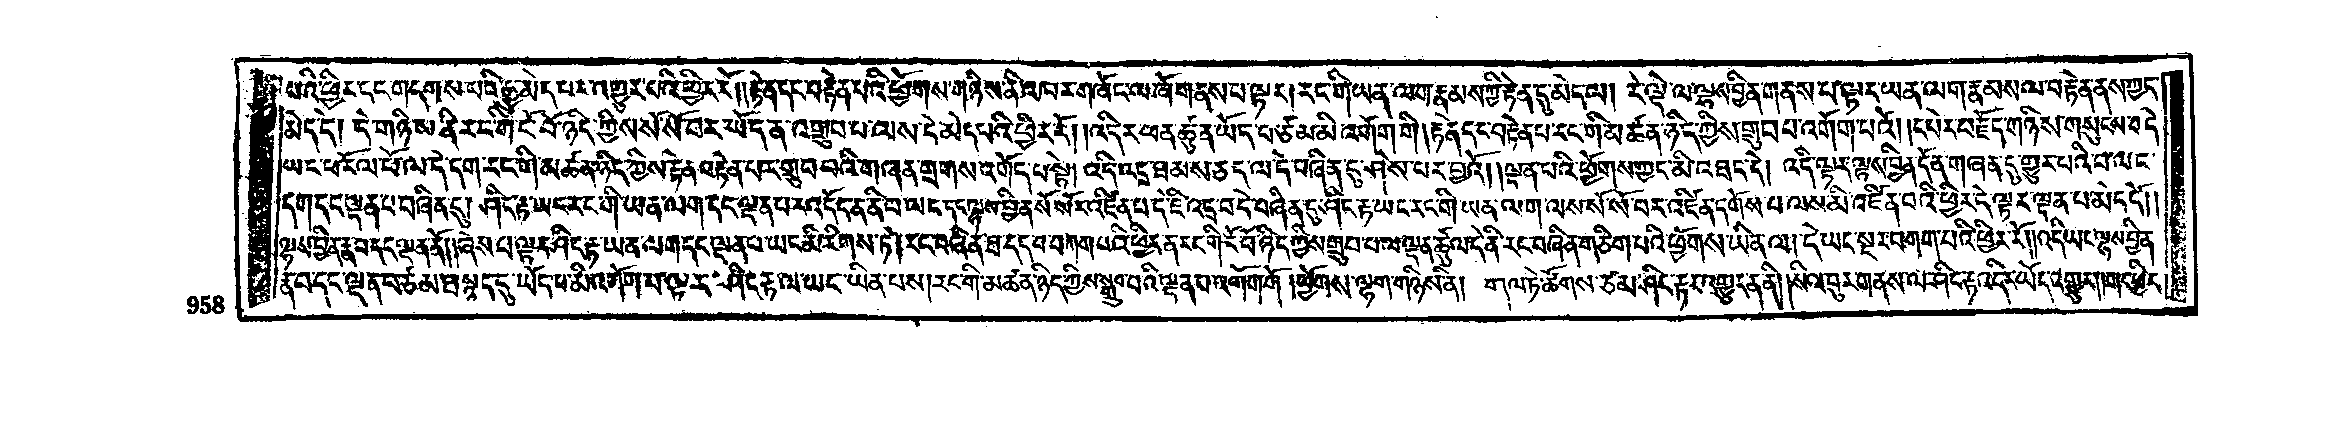པའི་ཕྱིར་དང་གདགས་པའི་རྒྱུ་མེད་པར་འགྱུར་པའི་ཕྱིར་རོ། །རྟེན་དང་བརྟེན་པའི་ཕྱོགས་གཉིས་ནི་འཁར་གཞོང་ལ་ཞོ་གནས་པ་ལྟར། རང་གི་ཡན་ལག་རྣམས་ཀྱི་རྟེན་དུ་མེད་ལ། རེ་ལྡེ་ལ་ལྷས་བྱིན་གནས་པ་ལྟར་ཡན་ལག་རྣམས་ལ་བརྟེན་ནས་ཀྱང་
མེད་དེ། དེ་གཉིས་ནི་རང་གི་ངོ་བོ་ཉིད་ཀྱིས་སོ་སོ་བར་ཡོད་ན་འགྲུབ་པ་ལས་དེ་མེད་པའི་ཕྱིར་རོ། །འདིར་ཕན་ཚུན་ཡོད་པ་ཙམ་མི་འགོག་གི །རྟེན་དང་བརྟེན་པ་རང་གི་མཚན་ཉིད་ཀྱིས་གྲུབ་པ་འགོག་པའོ། །དཔེར་བརྗོད་གཉིས་གསུངས་པ་དེ་
ཡང་ཕ་རོལ་པོ་ལ་དེ་དག་རང་གི་མཚན་ཉིད་ཀྱིས་རྟེན་བརྟེན་པར་གྲུབ་པའི་གཞན་གྲགས་འགོད་པ་སྟེ། འདི་འདྲ་ཐམས་ཅད་ལ་དེ་བཞིན་དུ་ཤེས་པར་བྱའོ། །ལྡན་པའི་ཕྱོགས་ཀྱང་མི་འཐད་དེ། འདི་ལྟར་ལྷས་བྱིན་དོན་གཞན་དུ་གྱུར་པའི་བ་ལང་
དག་དང་ལྡན་པ་བཞིན་དུ། ཤིང་རྟ་ཡང་རང་གི་ཡན་ལག་དང་ལྡན་པར་འདོད་ན་ནི་བ་ལང་དང་ལྷས་བྱིན་སོ་སོར་འཛིན་པ་དེ་ཇི་འདྲ་བ་དེ་བཞིན་དུ་ཤིང་རྟ་ཡང་རང་གི་ཡན་ལག་ལས་སོ་སོ་བར་འཛིན་དགོས་པ་ལས་མི་འཛིན་པའི་ཕྱིར་དེ་ལྟར་ལྡན་པ་མེད་དོ། །
ལྷས་བྱིན་རྣ་བ་དང་ལྡན་ནོ། །ཞེས་པ་ལྟར་ཤིང་རྟ་ཡན་ལག་དང་ལྡན་པ་ཡང་མི་རིགས་ཏེ། རང་བཞིན་ཐ་དད་པ་བཀག་པའི་ཕྱིར་ན་རང་གི་ངོ་བོ་ཉིད་ཀྱིས་གྲུབ་པ་ལ་ལྡན་ཚུལ་དེ་ནི་རང་བཞིན་གཅིག་པའི་ཕྱོགས་ཡིན་ལ། དེ་ཡང་སྔར་བཀག་པའི་ཕྱིར་རོ། །འདི་ཡང་ལྷས་བྱིན་
རྣ་བ་དང་ལྡན་པ་ཙམ་ཐ་སྙད་དུ་ཡོད་པ་མི་འགོག་པ་ལྟར། ཤིང་རྟ་ལ་ཡང་ཡིན་པས། རང་གི་མཚན་ཉིད་ཀྱིས་གྲུབ་པའི་ལྡན་པ་འགོག་གོ ། །ཕྱོགས་ལྷག་མ་གཉིས་ནི། གལ་ཏེ་ཚོགས་ཙམ་ཤིང་རྟར་འགྱུར་ན་ནི། །སིལ་བུར་གནས་ལ་ཤིང་རྟ་འདིར་ཡོད་འགྱུར། །གང་ཕྱིར་